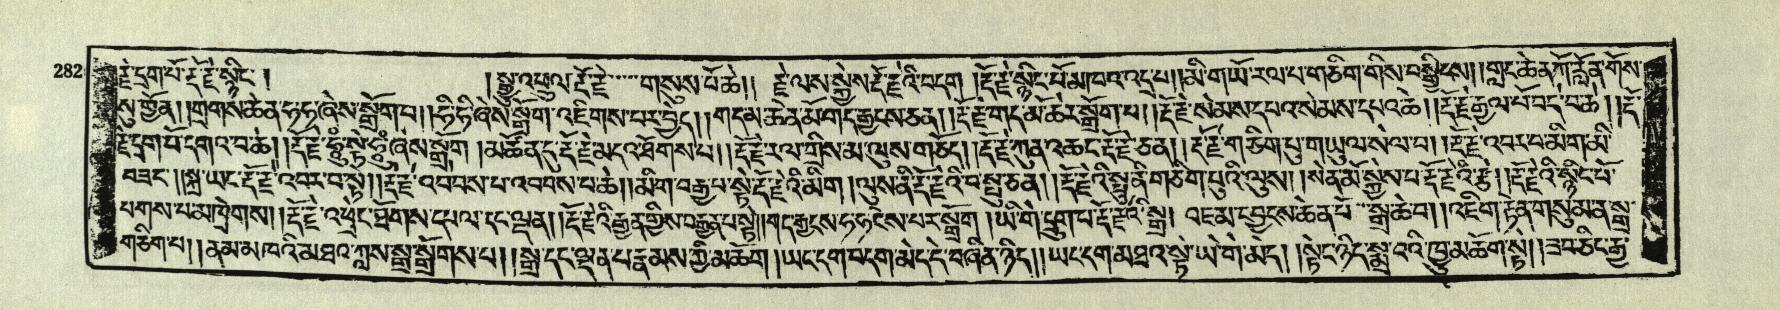རྗེ་དྲག་པོ་རྡོ་རྗེ་སྙིང་། །སྒྱུ་འཕྲུལ་རྡོ་རྗེ་གསུས་པོ་ཆེ།། རྗེ་ལས་སྐྱེས་རྡོ་རྗེའི་བདག །རྡོ་རྗེ་སྙིང་པོ་མཁའ་འདྲ་པ། །མི་གཡོ་རལ་པ་གཅིག་གིས་བསྒྱིངས། །གླང་ཆེན་ཀོ་རློན་གོས་
སུ་གྱོན། །གྲགས་ཆེན་ཧ་ཧ་ཞེས་སྒྲོག་པ། །ཧི་ཧི་ཞེས་སྒྲོག་འཇིགས་པར་བྱེད། །གད་མ་ཆེན་མོ་གད་རྒྱངས་ཅན། །རྡོ་རྗེ་གད་མོ་ཆེར་སྒྲོག་པ། །རྡོ་རྗེ་སེམས་དཔའ་སེམས་དཔའ་ཆེ། །རྡོ་རྗེ་རྒྱལ་པོ་བདེ་བ་ཆེ། །རྡོ་
རྗེ་དྲག་པོ་དགའ་བ་ཆེ། །རྡོ་རྗེ་ཧཱུཾ་སྟེ་ཧཱུཾ་ཞེས་སྒྲོག །མཚོན་དུ་རྡོ་རྗེ་མདའ་ཐོགས་པ། །རྡོ་རྗེ་རལ་གྲིས་མ་ལུས་གཅོད། །རྡོ་རྗེ་ཀུན་འཆང་རྡོ་རྗེ་ཅན། །རྡོ་རྗེ་གཅིག་པུ་གཡུལ་སེལ་བ། །རྡོ་རྗེ་འབར་བ་མིག་མི་
བཟང་། །སྐྲ་ཡང་རྡོ་རྗེ་འབར་བ་སྟེ། །རྡོ་རྗེ་འབེབས་པ་འབབས་པ་ཆེ། །མིག་བརྒྱ་པ་སྟེ་རྡོ་རྗེའི་མིག །ལུས་ནི་རྡོ་རྗེའི་བ་སྤུ་ཅན། །རྡོ་རྗེའི་སྤུ་ནི་གཅིག་པུའི་ལུས། །སེན་མོ་སྐྱེས་པ་རྡོ་རྗེའི་རྩེ། །རྡོ་རྗེའི་སྙིང་པོ་
པགས་པ་མཁྲེགས། །རྡོ་རྗེ་འཕྲེང་ཐོགས་དཔལ་དང་ལྡན། །རྡོ་རྗེའི་རྒྱན་གྱིས་བརྒྱན་པ་སྟེ། །གད་རྒྱངས་ཧ་ཧ་ངེས་པར་སྒྲོག །ཡི་གེ་དྲུག་པ་རྡོ་རྗེའི་སྒྲ། འཇམ་དབྱངས་ཆེན་པོ་སྒྲ་ཆེ་བ། །འཇིག་རྟེན་གསུམ་ན་སྒྲ་
གཅིག་པ། །ནམ་མཁའི་མཐའ་ཀླས་སྒྲ་སྒྲོགས་པ། །སྒྲ་དང་ལྡན་པ་རྣམས་ཀྱི་མཆོག །ཡང་དག་བདག་མེད་དེ་བཞིན་ཉིད། །ཡང་དག་མཐའ་སྟེ་ཡེ་གེ་མེད། །སྟེང་ཉིད་སྨྲ་བའི་ཁྱུ་མཆོག་སྟེ། །ཟབ་ཅིང་རྒྱ་